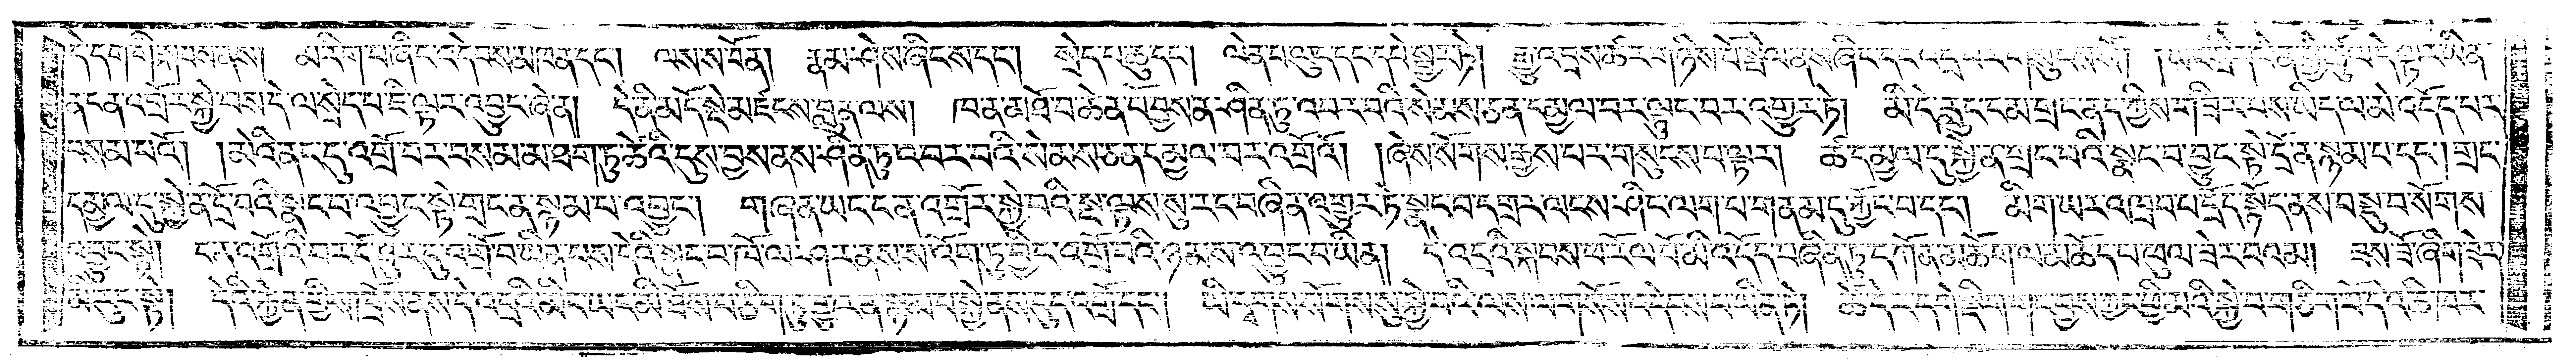དེ་དག་གི་སྐབས་ནས། མ་རིག་པ་ཞིང་འདེབས་མཁན་དང་། ལས་ས་བོན། རྣམ་ཤེས་ཞིངས་དང་། སྲེད་པ་ཆུ་དང་། ལེན་པ་ལུད་དང་དཔེ་སྦྱར་ཏེ། རྒྱུ་འབྲས་ཚར་གཉིས་པོ་སྤེལ་ནས་ཞལ་ཞིང་དང་འདྲ་བར་གསུངས་སོ། །ཡང་སྲིད་ལེན་སྐྱེ་ཚུལ་དེ་ལྟར་ཡིན་
ནང་ན་འགྲོར་སྐྱེ་པས་དེ་ལ་སྲེད་པ་ཇི་ལྟར་འབྱུང་ཞེ་ན། དེ་ནི་མདོ་སྡེ་མཛངས་བླུན་ལས། ཁ་ན་མཐོ་བ་ཆེན་པོ་བྱས་ན་ཤིན་ཏུ་འབར་བའི་སེམས་ཅན་དམྱལ་བར་ལྟུང་བར་འགྱུར་ཏེ། མི་དེ་རླུང་གང་གྲང་ནད་ཀྱིས་གཞིར་བས་ཡིད་ལ་མེ་འདོད་པར་
བསམ་པའོ། །མེའི་ནང་དུ་འགྲོ་བར་བསམ་མ་ཐག་ཏུ་ཚེའི་དུས་བྱས་ནས་ཤིན་ཏུ་འབར་བའི་སེམས་ཅན་དམྱལ་བར་འགྲོའོ། །ཞེས་སོགས་རྒྱས་པར་གསུངས་པ་ལྟར། ཚ་དམྱལ་དུ་སྐྱེ་ན་གྲང་བའི་སྣང་བ་བྱུང་སྟེ་དྲོ་ན་སྙམ་པ་དང་། གྲང་
དམྱལ་དུ་སྐྱེ་ན་དྲོ་བའི་སྣང་བ་འབྱུང་སྟེ་གྲང་ན་སྙམ་པ་འབྱུང་། གཞན་ཡང་ངན་འགྲོར་སྐྱེ་བའི་སྔ་ལྟས་སུ་རང་བཞིན་འགྱུར་ཏེ་སྣང་བ་དགྲར་ལངས་ཤིང་ལག་པ་གནམ་དུ་རྐྱོང་བ་དང་། མིག་ཡར་འཁྲབ་པ་དྲོད་སྟོད་ནས་བསྡུ་བ་སོགས་
འབྱུང་སྟེ། ངན་འགྲོའི་བར་དོ་ཐུར་དུ་འགྲོ་བ་ཡིན་པས་དེའི་སྣང་བ་ཁོ་ལ་ཤར་ནས་ས་འོག་ཏུ་བྱིང་འགྲོ་བའི་ཉམས་འབྱུང་བ་ཡིན། དེ་འདྲའི་སྐབས་ཕ་རོལ་པོ་མི་འདོད་བཞིན་ཏུ་དཀོན་མཆོག་ལ་མཆོད་པ་ཕུལ་ཟེར་བའམ། ཟས་ཟོ་ཞིག་ཟེར་
མི་རུང་སྟེ། དེའི་རྐྱེན་གྱིས་ཁྲོས་ནས་དེ་འདྲའི་མིང་ཡང་མི་ཐོས་པ་ཅིག་ཏུ་གྱུར་ན་སྙམ་པ་སྐྱེ་ནས་དུད་འགྲོ་དང་། ཡི་དྭགས་སོགས་སུ་སྐྱེ་བའི་ལས་ལ་གསོས་འདེབས་པ་ཡིན་ཏེ། ཚེ་དེར་དགེ་སྡིག་གང་བྱས་ཀྱང་ཕྱི་མའི་སྐྱེ་བ་གཅིག་པོ་དེ་འཆི་ཁར་